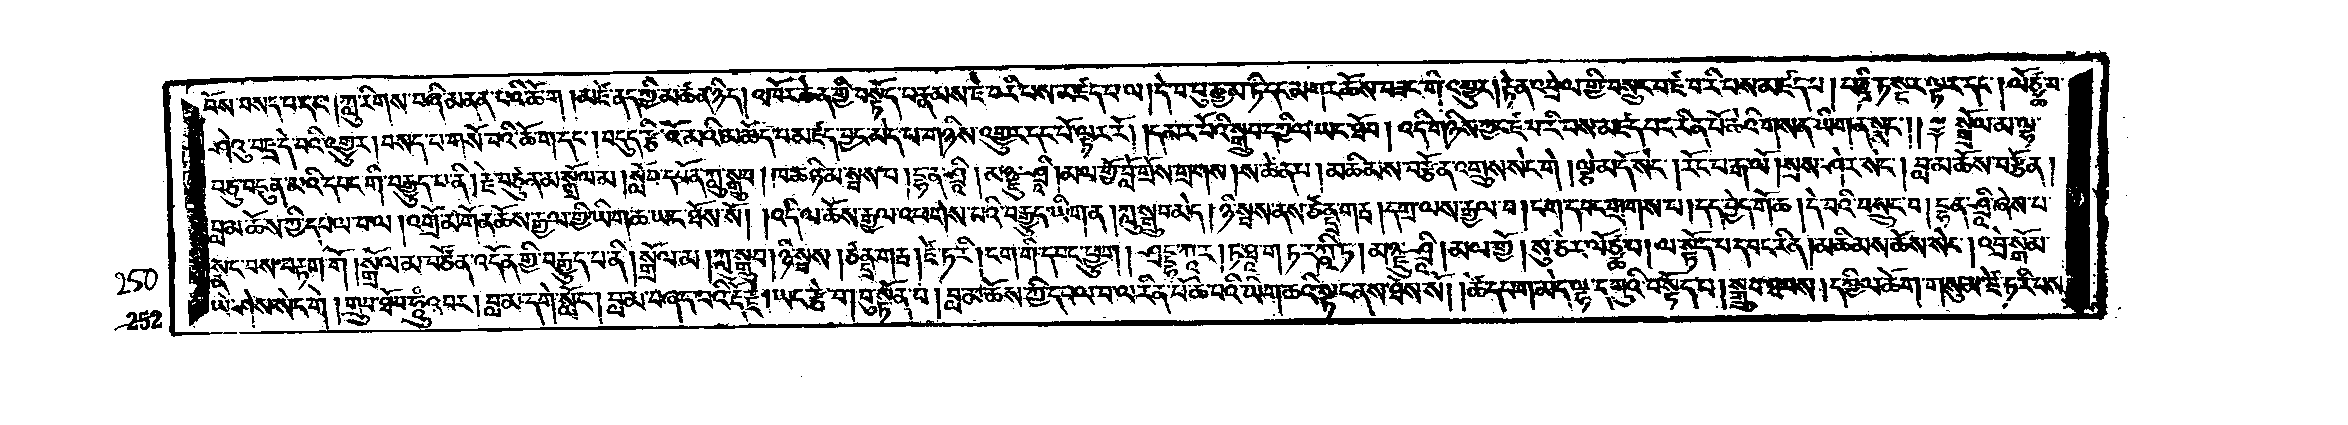བཅུ་བདུན་མའི་དབང་གི་བརྒྱུད་པ་ནི། རྗེ་བཙུན་མ་སྒྲོལ་མ། སློབ་དཔོན་ཀླུ་སྒྲུབ། ཁ་ཆ་ཉི་མ་སྦས་པ་།དྷ་ན་ཤྲཱི། མཉྫུ་ཤྲཱི། མལ་གྱོ་བློ་གྲོས་གྲགས། ས་ཆེན་པ། མཆིམས་བརྩོན་འགྲུས་སེང་གེ། ལྕེ་མདོ་སེང་། རོང་པ་རྒ་ལོ། །སྲས་ཤེར་སེང་། བླ་མ་ཆོས་བརྩོན།
བླ་མ་ཆོས་ཀྱི་དཔལ་བ་ལ་།འགྲོ་མགོན་ཆོས་རྒྱལ་གྱི་ཡིག་ཆ་ཡང་ཐོས་སོ། །འདི་ལ་ཆོས་རྒྱལ་འཕགས་པའི་བརྒྱུད་ཡིག་ན། ཀླུ་སྒྲུབ་མེད་ཐོབ། འདི་གཉིས་ཀྱང་ཛ་བ་རི་པས་མཛད་པར་རིན་པོ་ཆེའི་གསན་ཡིག་ན་སྨང་། །སྒྲོལ་མ་ལྷ་
བཅུ་བདུན་མའི་དབང་གི་བརྒྱུད་པ་ནི། རྗེ་བཙུན་མ་སྒྲོལ་མ། སློབ་སྤོན་ཀླུ་སྒྲུབ། ཁ་ཆ་ཉི་མ་སྦས་པ། དྷ་ན་ཤྲིའ།མཉྫུ་ཤྲཱི། མལ་གྱོ་བློ་གྲོས་གྲགས། ས་ཆེན་པ། མཆིམས་བརྩོན་འགྲུས་སེང་གེ། ལྕེ་མདོ་སེང་། རོང་པ་རྒལ་ལོ། །སྲས་ཤེར་སེང་། བླ་མ་ཆོས་བརྩོན།
བླ་མ་ཆོས་ཀྱི་དཔལ་བ་ལ། འགྲོ་མགོན་ཆོས་གྲྱལ་གྱི་ཡིག་ཆ་ཡང་ཐོས་སོ། །འདི་ལ་ཆོས་རྒྱལ་འཕགས་པའི་བརྒྱུད་ཡིག་ན། ཀླུ་སྒྲུབ་མེད། ཉི་སྦས་ནས་ཙནྡྲ་གརྦ། དགྲ་ལས་རྒྱལ་བ། ངག་དབང་གྲགས་པ། དད་བྱེད་གོ་ཆ། དེ་བའི་བསྲུང་བ། དྷ་ན་ཤྲཱི་ཞེས་པ་
སྣང་བས་བརྟག་གོ །སྒྲོལ་མ་བཙོན་འདོན་གྱི་བརྒྱུད་པ་ནི། སྒྲོལ་མ། ཀླུ་སྒྲུབ། ཉི་སྦས། ཙནྡྲ་གརབ། ཛེ་ཏ་རི། ངག་གི་དབང་ཕྱུག །ཤྲདྡྷ་ཀའ་ར། ཏ་ཐའ་ག་ཏ་རྐྵི་ཏ། མཉྫུ་ཤྲཱི་མལ་གྱོ། སུ་ཅེར་ལོཙྪ་བ། ལ་སྟོད་པ་དབང་རིན། མཆིམས་ཆོས་སེང་། འབྲེ་སྒོམ་
ཡེ་ཤེས་སེང་གེ། གྲུབ་ཐོབ་ཧའུཾ་འབར། བླ་མ་དགེ་སློང་། བླ་མ་བཞང་བའི་རྡོ་རྗེ། ཡང་རྩེ་བ། བུ་སྟོན་པ། བླ་མ་ཆོས་ཀྱི་དཔལ་བ་ལ་རིན་པོ་ཆེ་བའི་ཡིག་ཆའི་སྟང་ནས་ཐོས་སོ། །ཚེ་དཔག་མེད་ལྷ་དགུའི་སྟོད་པ། སྒྲུབ་ཐབས། དཀྱིལ་ཆོག་གསུམ་ཛེ་ཏ་རི་པས་